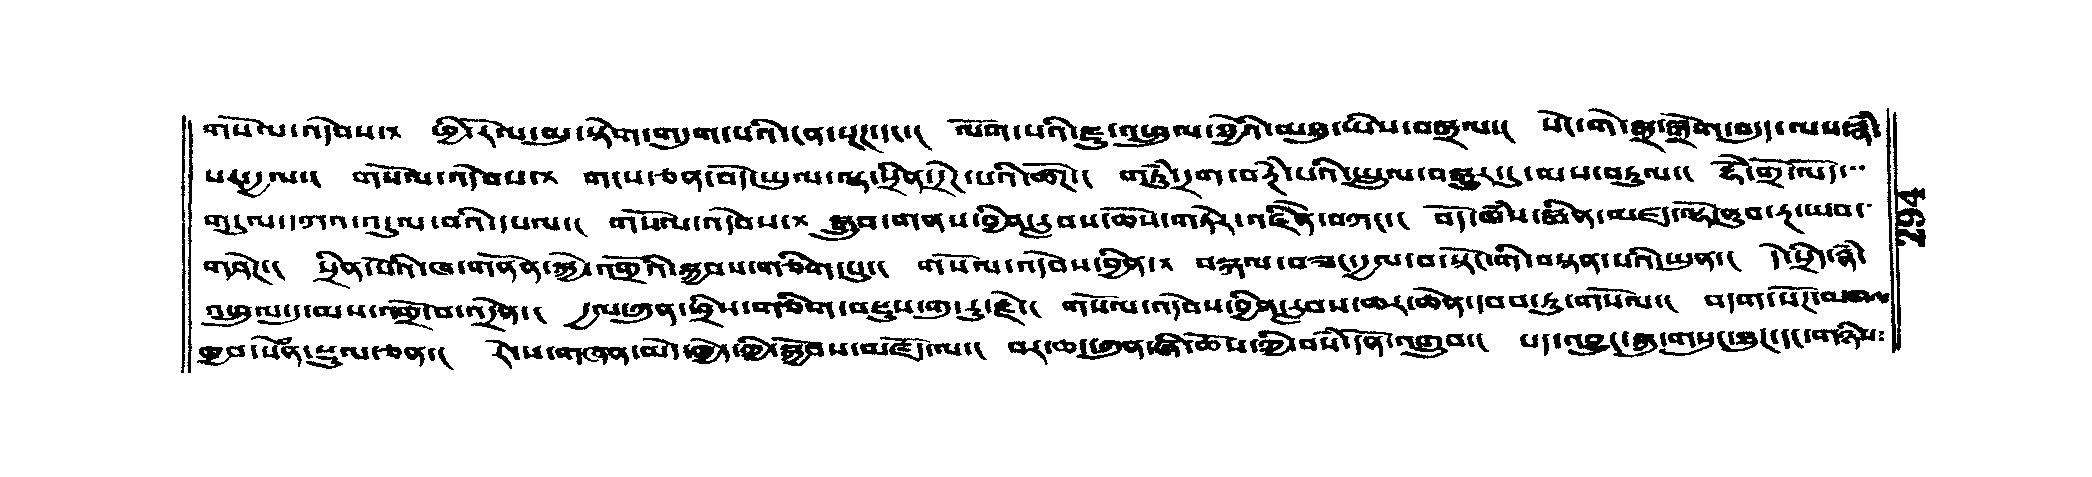།གསོལ་འདེབས༴ །ཕྱི་རོལ་མུ་སྟེག་གདུག་པའི་ངན་སྔགས་དང་། །ལོག་པའི་རྫུ་འཕྲུལ་ཐུགས་རྗེའི་མཐུ་ཡིས་བསྒྲལ། །སེང་གེ་སྒྲ་སྒྲོགས་བདུད་ལས་རྣམ་
པར་རྒྱལ། །གསོལ་འདེབས༴ །གངས་ཅན་བོད་ཡུལ་ལྷ་སྲིན་དྲེགས་པའི་ཚོགས། །གཏུམ་དྲག་བརྔམ་པའི་སྤྲུལ་བསྒྱུར་དུ་མས་བཏུལ། །རྡོ་རྗེ་གྲོ་ལོད་
གདུལ་དཀའ་འདུལ་བའི་དཔལ། །གསོལ་འདེབས༴ །སྒྲུབ་གནས་བྱིན་རླབས་ཆོས་གཏེར་འཇིག་རྟེན་བཀང་། །བོད་ཁམས་སྨིན་མཛད་ལྷོ་ནུབ་རྔ་ཡབ་
གཤེགས། །སྲིན་པོའི་ཁ་གནོན་སྐྱེ་འགྲོའི་སྐྱབས་གཅིག་པུ། །གསོལ་འདེབས་བྱིན༴ །བསྐལ་བཟང་རྒྱལ་བ་སྟོང་གི་བསྟན་པའི་ཡུན། །དེ་སྲིད་རྣམ་
འཕྲུལ་དུ་མས་འགྲོ་བ་འདྲེན། །རྒྱལ་ཀུན་ཕྲིན་ལས་གཅིག་བསྡུས་གུ་རུ་རྗེ། །གསོལ་འདེབས་བྱིན་རླབས་ཆར་ཆེན་དབབ་ཏུ་གསོལ། །བདག་སོགས་མཁའ་
ཁྱབ་སེམས་ཅན་སྡུག་བསྔལ་ཅན། །རེ་ས་གཞན་མེད་ཁྱེད་ཀྱི་སྐྱོབས་མཛོད་ལ། །བར་ཆད་ཀུན་ཞི་ཆོས་ཀྱི་བསམ་དོན་འགྲུབ། །པད་འབྱུང་སྐུ་གསུང་ཐུགས་དང་གཉིས་